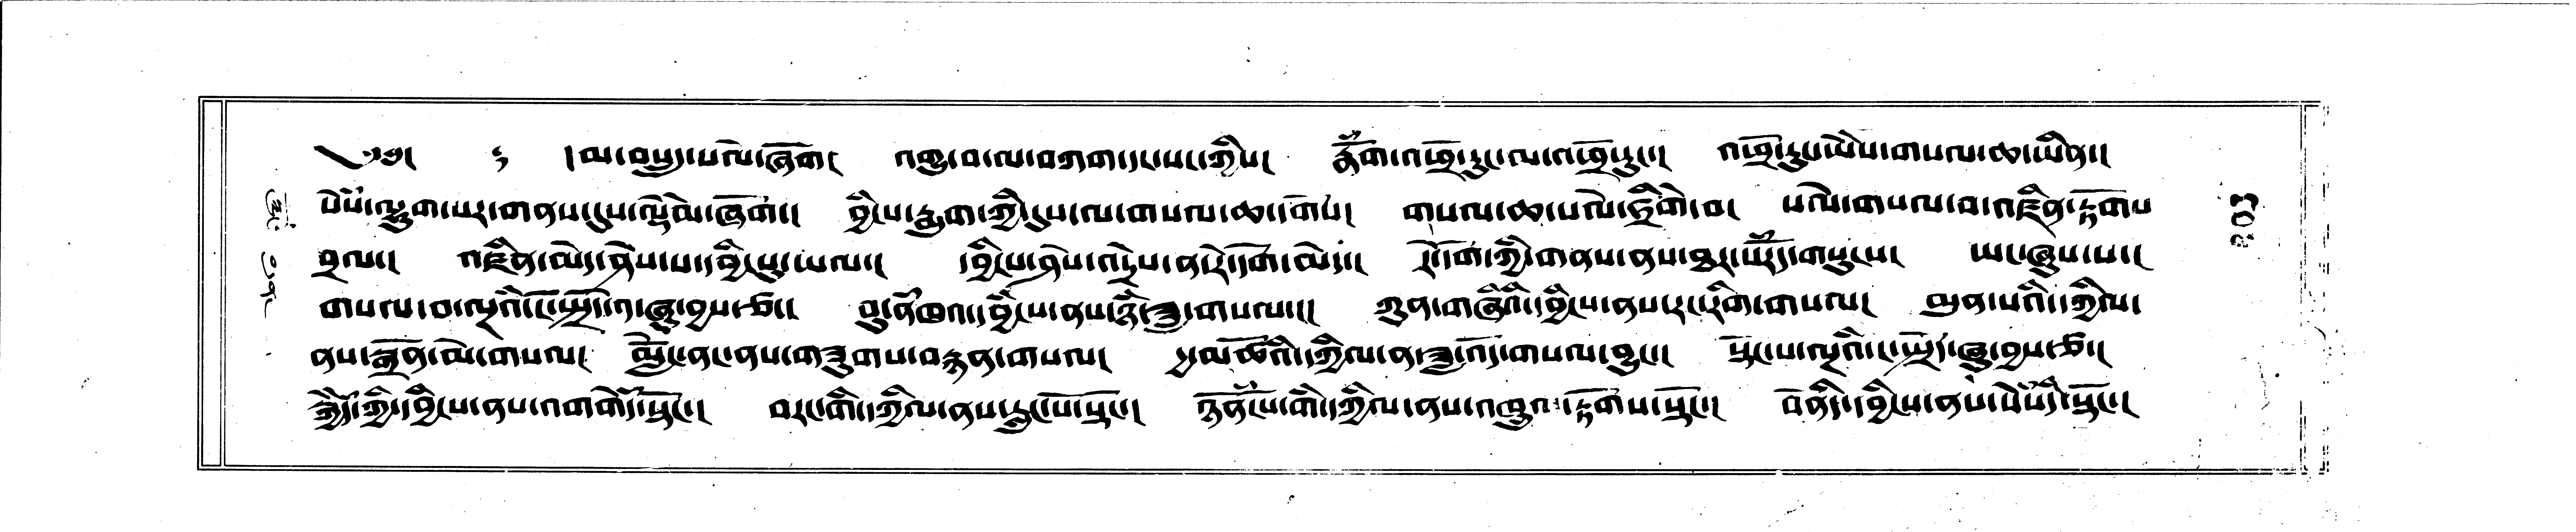མ་བསླད་སལེ་ཞོག །འགྱུ་བ་མ་བཀག་དྭངས་སང་གྱིས། །རྣམ་རྟོག་འཕྲོ་རུང་མ་འཕྲོ་རུང་། །འཕྲོ་རུང་ཡེ་ཤེས་གསལ་ཆ་ཡིན། 
།སེམས་ལྷུག་པར་གནས་དུས་ལྡེམ་ལྡེམ་ཞོག བྱིང་རྨུགས་ཀྱི་དུས་ལ་གསལ་ཆ་དགོས། གསལ་ཆ་སལེ་ཧྲིག་གེ་བ། །སལེ་གསལ་བ་འཛིན་རྟོག་
བྲལ། །འཛིན་མེད་ཤེས་པ་དབྱིངས་སུ་ཡལ། དབྱིངས་ཤེས་འདྲེས་ན་རེ་དོགས་མེད། །རེ་དོགས་ཀྱི་གནས་ནས་ཐར་པར་མཛོད་གསུངས། ཡང་ཞུས་པ། 
གསལ་བ་ལྔའི་ངོ་སྤྲོད་ཅིག་ཞུ་བྱས་ཙ། བུ་ནམ་མཁའི་དབྱིངས་ནས་ཉི་ཟླ་གསལ། །ཀུན་གཞིའི་དབྱིངས་ནས་རང་རིག་གསལ། །མུན་པའི་དཀྱིལ་
ནས་སྒྲོན་མེ་གསལ། །མེ་ལོང་ནང་ནས་གཟུགས་བརྙན་གསལ། །རྒྱ་མཚོའི་དཀྱིལ་ནས་ཟླ་འོད་གསལ་བྱུང་། །སྟོང་པ་ལྔའི་ངོ་སྤྲོད་ཞུ་བྱས་ཙ། 
སྐྱེ་མེད་ཀྱི་དབྱིངས་ནས་འགག་མེད་སྟོང་། །བར་སྣང་གི་དཀྱིལ་ནས་རླུང་པོ་སྟོང་། །ཉོན་མོངས་ཀྱི་དཀྱིལ་ནས་འཁྲུལ་རྟོག་སྟོང་། །བོན་ཉིད་དབྱིངས་ནས་སེམས་ཉིད་སྟོང་། །